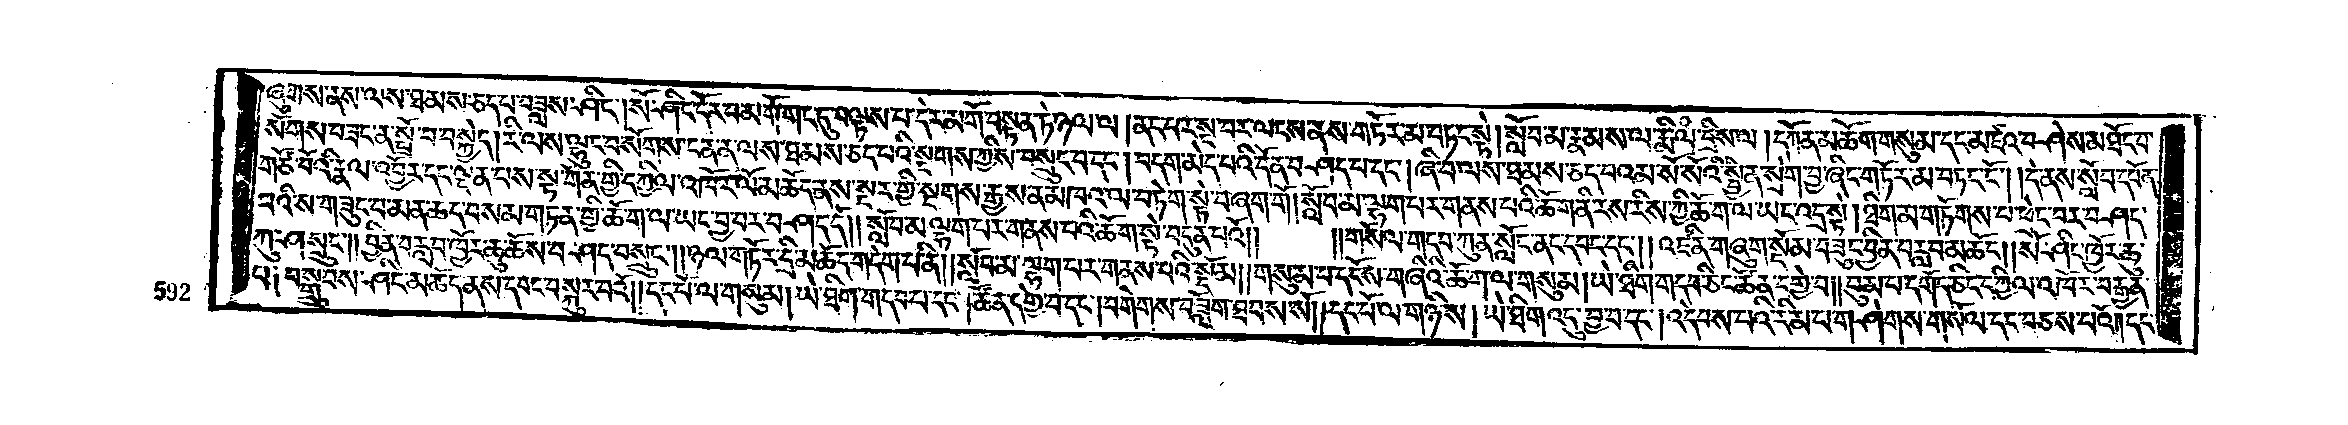ཞུགས་ནས་ལས་ཐམས་ཅད་པ་བཟླས་ཤིང་། སོ་ཤིང་དོར་བ་མགོ་གང་དུ་བལྟས་པ་དེར་མགོ་བསྟན་ཏེ་ཉལ་ལ། ནང་པར་སྔ་བར་ལངས་ནས་གཏོར་མ་བཏང་སྟེ། སློབ་མ་རྣམས་ལ་རྨི་ལམ་དྲིས་ལ། དཀོན་མཆོག་གསུམ་དང་མཛའ་བཤེས་མཐོང་བ་
སོགས་བཟང་ན་སྤྲོ་བ་བསྐྱེད། རི་ལས་ལྷུང་བ་སོགས་ངན་ན་ལས་ཐམས་ཅད་པའི་སྔགས་ཀྱིས་བསྲུང་བ་དང་། བདག་མེད་པའི་དོན་བཤད་པ་དང་། ཞི་བ་ལས་ཐམས་ཅད་པའམ་སོ་སོའི་སྦྱིན་སྲེག་བྱ་ཞིང་གཏོར་མ་བཏང་ངོ། །དེ་ནས་སློབ་དཔོན་
གཙོ་བོའི་རྣལ་འབྱོར་དང་ལྡན་པས་སྟ་གོན་གྱི་དཀྱིལ་འཁོར་ལ་མཆོད་ནས་སྔར་གྱི་སྔགས་རྒྱས་ནམ་མཁའ་ལ་བཏེག་སྟེ་བཞག་གོ །སློབ་མ་ལྷག་པར་གནས་པའི་ཆོ་ག་ནི་རས་རིས་ཀྱི་ཆོ་ག་ལ་ཡང་འདྲ་སྟེ། ཐིག་མ་གཏོགས་པ་ཕྲེང་བར་བཤད་
པའི་ས་གཟུང་བ་མན་ཆད་བསམ་གཏན་གྱི་ཆོ་ག་ལ་ཡང་བྱ་བར་བཤད་དོ། །སློབ་མ་ལྷག་པར་གནས་པའི་ཆོ་ག་སྟེ་བདུན་པའོ།། །།གསོལ་གདབ་ཀུན་སློང་ནང་དབང་དང་། །འཛིན་གཞུག་སྡོམ་བཟུང་བྱིན་བརླབ་མཆོད། །སོ་ཤིང་ཁྱོར་ཆུ་
ཀུ་ཤ་སྲུང་། །བྱིན་བརླབ་ཁྱོར་ཆུ་ཆོས་བཤད་བསྲུང་། །ཉལ་གཏོར་དྲི་མཆོད་གདེག་པ་ནི། །སློབ་མ་ལྷག་པར་གནས་པའི་སྡོམ། །གསུམ་པ་དངོས་གཞིའི་ཆོ་ག་ལ་གསུམ། ཡེ་ཐིག་གདབ་ཅིང་ཚོན་དགྱེ་བ། །བུམ་པ་དགོད་ཅིང་དཀྱིལ་འཁོར་བརྒྱན་
པ༑ བསྒྲུབས་ཤིང་མཆོད་ནས་དབང་བསྐུར་བའོ། །དང་པོ་ལ་གསུམ། ཡེ་ཐིག་གདབ་པ་དང་། ཚོན་དགྱེ་བ་དང་། བགེགས་བཟློག་ཐབས་སོ། །དང་པོ་ལ་གཉིས། ཡེ་ཐིག་འདུ་བྱ་བ་དང་། འདེབས་པའི་རིམ་པ་གཤེགས་གསོལ་དང་བཅས་པའོ། །དང་